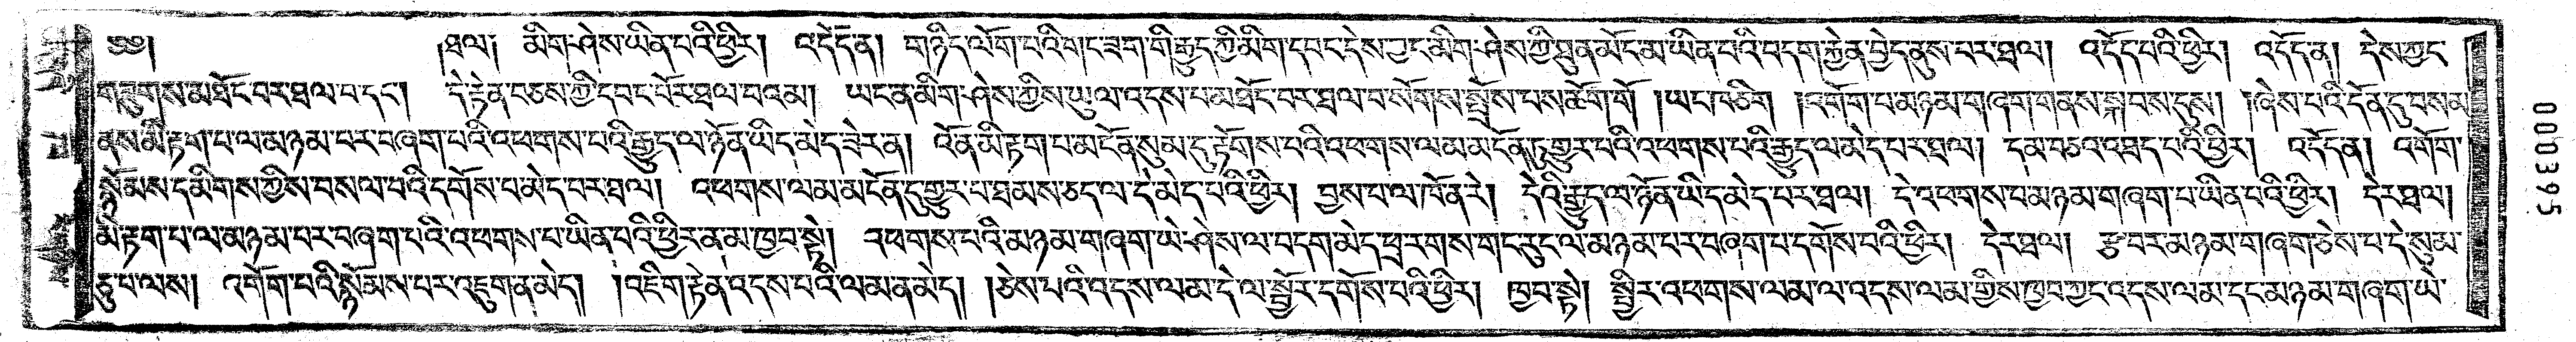༄༅། །ཐལ༑ མིག་ཤེས་ཡིན་པའི་ཕྱིར། འདོད་ན། གཉིད་ལོག་བའི་གང་ཟག་གི་རྒྱུད་ཀྱི་མིག་དབང་དེས་ཀྱང་མིག་ཤེས་ཀྱི་ཐུན་མོང་མ་ཡིན་པའི་བདག་རྐྱེན་བྱེད་ནུས་པར་ཐལ། འདོད་བའི་ཕྱིར། འདོད་ན། དེས་ཀྱང་
གཟུགས་མཐོང་བར་ཐལ་བ་དང་། དེ་རྟེན་བཅས་ཀྱི་དབང་པོར་ཐལ་བའམ། ཡང་ན་མིག་ཤེས་ཀྱིས་ཡུལ་འདས་པ་མཐོང་པར་ཐལ་བ་སོགས་སྤྲོས་བས་ཆོག་གོ །ཡང་ཁ་ཅིག །འགོག་པ་མཉམ་གཞག་གནས་སྐབས་དུས། །ཞེས་པའི་དོན་དུ་བསམ་
ནས་མི་རྟག་པ་ལ་མཉམ་པར་བཞག་པའི་འཕགས་པའི་རྒྱུད་ལ་ཉོན་ཡིད་མེད་ཟེར་ན། འོན་མི་རྟག་པ་མངོན་སུམ་དུ་རྟོགས་པའི་འཕགས་ལམ་མངོན་དུ་གྱུར་པའི་འཕགས་པའི་རྒྱུད་ལ་མེད་པར་ཐལ། དམ་བཅའ་འཐད་པའི་ཕྱིར། འདོད་ན། འགོག་
སྙོམས་དམིགས་ཀྱིས་བ་སལ་བའི་དགོས་པ་མེད་པར་ཐལ། འཕགས་ལམ་མངོན་དུ་གྱུར་པ་ཐམས་ཅད་ལ་དེ་མེད་པའི་ཕྱིར། བྱས་བ་ལ་ཁོ་ན་རེ། དེའི་རྒྱུད་ལ་ཉོན་ཡིད་མེད་པར་ཐལ། དེ་འཕགས་བ་མཉམ་གཞག་པ་ཡིན་པའི་ཕྱིར། དེར་ཐལ།
མི་རྟག་པ་ལ་མཉམ་པར་བཞག་པའི་འཕགས་པ་ཡིན་པའི་ཕྱིར་ནམ་ཁྱབ་སྟེ། འཕགས་པའི་མཉམ་གཞག་ཡེ་ཤེས་ལ་བདག་མེད་ཕྲ་རགས་གང་རུང་ལ་མཉམ་པར་བཞག་བ་དགོས་བའི་ཕྱིར། དེར་ཐལ། རྩ་བར་མཉམ་གཞག་ཅེས་པ་དེ་སུམ་
ཅུ་པ་ལས། འགོག་པའི་སྙོམས་པར་འཇུག་ན་མེད། །འཇིག་རྟེན་འདས་པའི་ལམ་ན་མེད། །ཅེས་པའི་འདས་ལམ་དེ་ལ་སྦྱོར་དགོས་པའི་ཕྱིར། ཁྱབ་སྟེ། སྤྱིར་འཕགས་ལམ་ལ་འདས་ལམ་གྱིས་ཁྱབ་ཀྱང་འདས་ལམ་དང་མཉམ་གཞག་ཡེ་